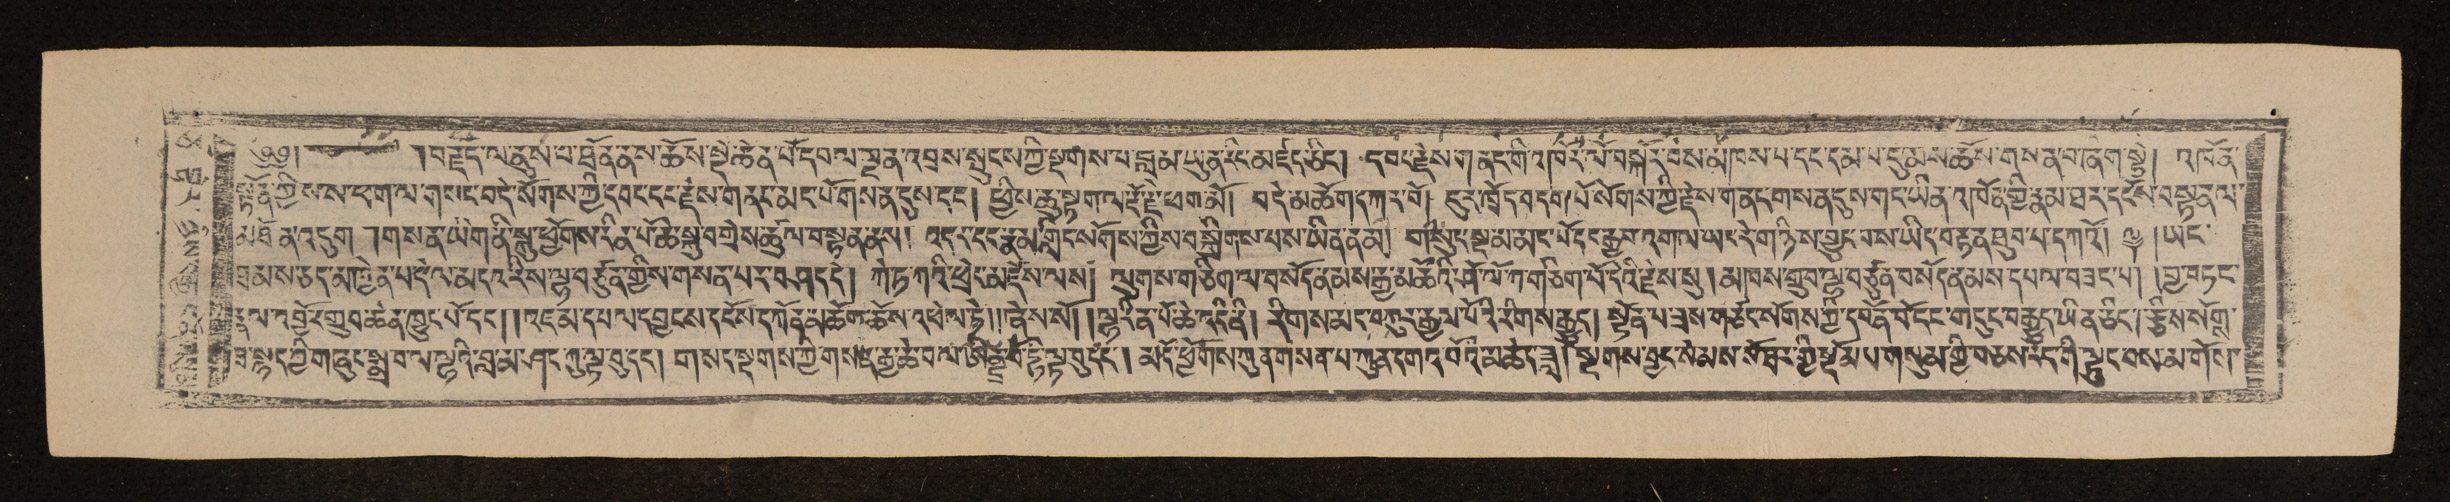༄༅། །བརྗོད་ལ་ནུས་པ་ཐོན་ནས་ཆོས་སྡེ་ཆེན་པོ་དཔལ་ལྡན་འབྲས་སྤུངས་ཀྱི་སྔགས་པ་བླ་མ་ཡུན་རིང་མཛད་ཅིང་། དབང་རྗེས་གནང་གི་འཁོར་ལོ་བསྐོར་བས་མཁས་པ་དང་དམ་པ་དུ་མས་ཆོས་གསན་པ་ཞིག་སྟེ། འཁོན་
སྟོན་གྱིས་ས་ཕག་ལ་གསང་བ་དེ་སོགས་ཀྱི་དབང་དང་རྗེས་གནང་མང་པོ་གསན་དུས་དང་། ཕྱིས་ཆུ་སྟག་ལ་རྡོ་རྗེ་ཕག་མོ། བདེ་མཆོག་དཀར་པོ། དུར་ཁྲོད་བདག་པོ་སོགས་ཀྱི་རྗེས་གནང་གསན་དུས་གང་ཡིན་འཁོན་གྱི་རྣམ་ཐར་དངོས་བསྟན་ལ་
མཐོན་འདུག །གསན་ཡིག་ནི་སྐུ་ཕྱོགས་རིན་པོ་ཆེ་སྐུ་བགྲེས་ཚུལ་བསྟན་ནས། འདར་དང་རྣམ་གླིང་སོགས་ཀྱིས་བསྒྲིགས་པས་ཡིན་ནམ། གསུང་སྔ་མ་མང་པོ་དང་རྒྱབ་འགལ་ཡང་རེ་གཉིས་བྱུང་བས་ཡིད་བརྟན་ཐུབ་པ་དཀའོ། ༈ །ཡང་
ཐམས་ཅད་མཁྱེན་པ་དེ་ལ་མངའ་རིས་ལྷ་བཙུན་གྱིས་གསན་པར་བཤད་དེ། ཀེ་ཏ་ཀའི་ཕྲེང་མཛེས་ལས། ལུགས་གཅིག་ལ་བསོད་ནམས་རྒྱ་མཚོའི་ཤོ་ལོ་ཀ་གཅིག་པོ་དེའི་རྗེས་སུ། མཁས་གྲུབ་ལྷ་བཙུན་བསོད་ནམས་དཔལ་བཟང་པོ། །བྱ་བཏང་
རྣལ་འབྱོར་གྲུབ་ཆེན་ཁྱུང་པོ་དང་། །འཇམ་དཔལ་དབྱངས་དངོས་དཀོན་མཆོག་ཆོས་འཕེལ་ཏེ། །ཞེས་སོ། །ལྷ་རིན་པོ་ཆེ་འདི་ནི། རིགས་མང་བཀུར་རྒྱལ་པོའི་རིགས་རྒྱུད། སྟོན་པ་ཟས་གཙང་སོགས་ཀྱི་དཔོན་པོ་དང་གདུང་བརྒྱུད་ཡིན་ཅིང་། རྩིས་སོགས་
ཐ་སྙད་ཀྱི་གཞུང་སྨྲ་བ་ལ་ལྷའི་བླ་མ་ཤང་ཀུ་ལྟ་བུ་དང་། གསང་སྔགས་ཀྱི་གསན་རྒྱ་ཆེ་བ་ལ་ཨིནྡྲ་བོ་དྷི་ལྟ་བུ་དང་། མདོ་ཕྱོགས་ཀུན་གསན་པ་ཀུན་དགའ་བོའི་མཆེད་ཟླ། སྔགས་བྱང་སེམས་སོ་ཐར་གྱི་སྡོམ་པ་གསུམ་གྱི་བཅས་རང་གི་ལྟུང་བས་མགོས་